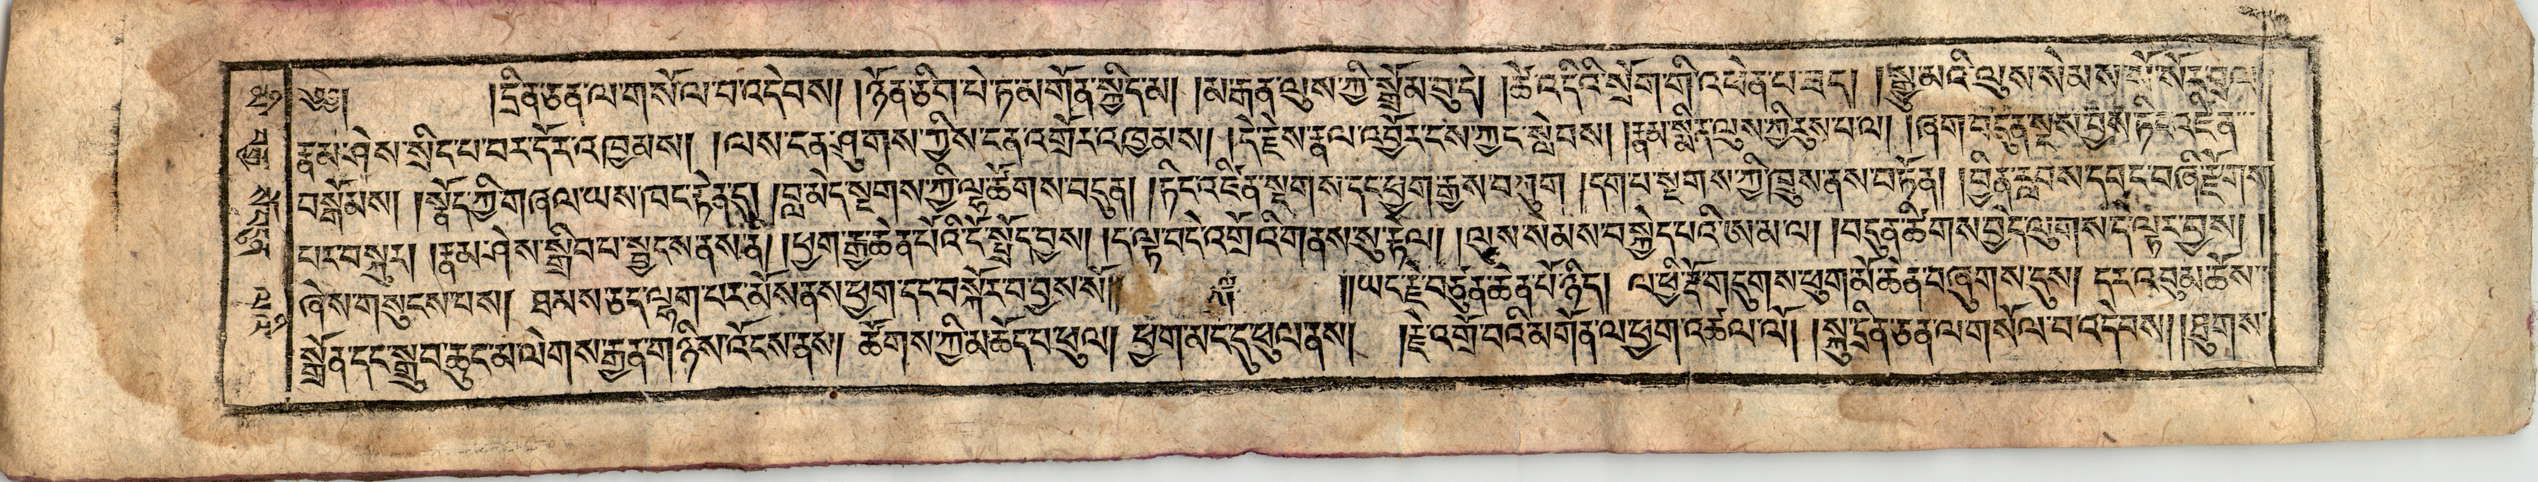དྲིན་ཅན་ལ་གསོལ་བ་འདེབས། །ཉོན་ཅིག་པེ་ཏ་མགོན་སྐྱིད་མ། །མ་རྒན་ལུས་ཀྱི་སྒྲོམ་བུ་དེ། །ཚེ་འདིའི་སྲོག་གི་འཕེན་པ་ཟད། །སྒྱུ་མའི་ལུས་སེམས་སོ་སོར་བྲལ། །
རྣམ་ཤེས་སྲིད་པ་བར་དོར་འཁྱམས། །ལས་ངན་ཤུགས་ཀྱིས་ངན་འགྲོར་འཁྱམས། །དེ་རྗེས་རྣལ་འབྱོར་ངས་ཀྱང་སླེབས། །རྣམ་སྨིན་ལུས་ཀྱི་རུས་པ་ལ། །ཞག་བདུན་སྔས་བྱས་ཏིང་འཛིན་
བསྒོམས། །སྣོད་ཀྱི་གཞལ་ཡས་ཁང་རྟེན་དུ། །བླ་མེད་སྔགས་ཀྱི་ལ་ཚོགས་བདུན། །ཏིང་འཛིན་སྔགས་དང་ཕྱག་རྒྱས་བཀུག །དག་པ་སྔགས་ཀྱི་ཁྲུས་ནས་བཏོན། །བྱིན་རླབས་དབང་བཞི་རྫོགས་
པར་བསྐུར། །རྣམ་ཤེས་སྒྲིབ་པ་སྦྱངས་ནས་ནི། །ཕྱག་རྒྱ་ཆེན་པོའི་ངོ་སྤྲད་བྱས། །ད་ལྟ་བདེ་འགྲོའི་གནས་སུ་རྟོལ། །ལུས་སེམས་་སྐྱེ་ད་པའི་ཨ་མ་ལ། །བདུན་ཚིགས་བྱེད་ལུགས་དེ་ལྟར་བྱས། །
ཞེས་གསུངས་པས། ཐམས་ཅད་ལྷག་པར་མོས་ནས་ཕྱག་དང་བསྐོར་བ་བྱས་སོ།། །ཡང་རྗེ་བཙུན་ཆེན་པོ་ཉིད། ལ་ཕྱི་རྡོ་གདུགས་ཕུག་མོ་ཆེ་ན་བཞུགས་དུས། དར་འབུམ་ཆོས་
སྒྲོན་དང་སྒྲུབ་ཆུང་མ་ལེགས་རྒྱན་གཉིས་འོངས་ནས། ཚོགས་ཀྱི་མཆོད་པ་ཕུལ། ཕྱག་མང་དུ་ཕུལ་ནས། །རྗེ་འགྲོ་བའི་མགོན་ལ་ཕྱག་འཚལ་ལོ། །སྐུ་དྲིན་ཅན་ལ་གསོལ་བ་འདེབས། །ཐུགས་